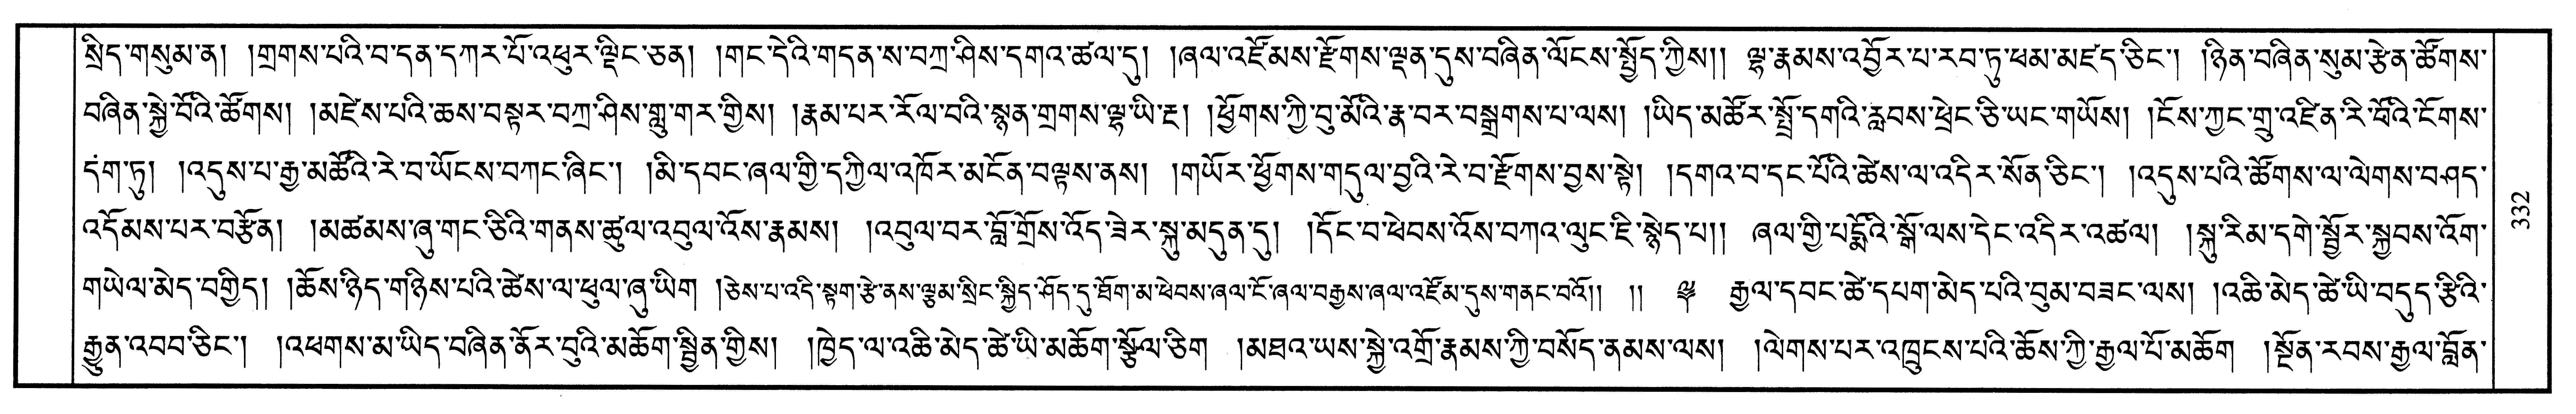སྲིད་གསུམ་ན། །གྲགས་པའི་བ་དན་དཀར་པོ་འཕུར་ལྡིང་ཅན། །གང་དེའི་གདན་ས་བཀྲ་ཤིས་དགའ་ཚལ་དུ། །ཞལ་འཛོམས་རྫོགས་ལྡན་དུས་བཞིན་ལོངས་སྤྱོད་ཀྱིས།། ལྷ་རྣམས་འབྱོར་པ་རབ་ཏུ་ཕམ་མཛད་ཅིང་། །ཉིན་བཞིན་སུམ་རྩེན་ཚོགས་
བཞིན་སྐྱེ་བོའི་ཚོགས། །མཛེས་པའི་ཆས་བསྟར་བཀྲ་ཤིས་གླུ་གར་གྱིས། །རྣམ་པར་རོལ་བའི་སྙན་གྲགས་ལྷ་ཡི་རྔ། །ཕྱོགས་ཀྱི་བུ་མོའི་རྣ་བར་བསྒྲགས་པ་ལས། །ཡིད་མཚོར་སྤྲོ་དགའི་རླབས་ཕྲེང་ཅི་ཡང་གཡོས། །ངོས་ཀྱང་གྲུ་འཛིན་རི་བོའི་ངོགས་
དག་ཏུ། །འདུས་པ་རྒྱ་མཚོའི་རེ་བ་ཡོངས་བཀང་ཞིང་། །མི་དབང་ཞལ་གྱི་དཀྱིལ་འཁོར་མངོན་བལྟས་ནས། །གཡོར་ཕྱོགས་གདུལ་བྱའི་རེ་བ་རྫོགས་བྱས་སྟེ། །དགའ་བ་དང་པོའི་ཚེས་ལ་འདིར་སོན་ཅིང་། །འདུས་པའི་ཚོགས་ལ་ལེགས་བཤད་
འདོམས་པར་བརྩོན། །མཚམས་ཞུ་གང་ཅིའི་གནས་ཚུལ་འབུལ་འོས་རྣམས། །འབུལ་བར་བློ་གྲོས་འོད་ཟེར་སྐུ་མདུན་དུ། །དོང་བ་ཕེབས་འོས་བཀའ་ལུང་ཇི་སྙེད་པ།། ཞལ་གྱི་པདམོའི་སྒོ་ལས་དེང་འདིར་འཚལ། །སྐུ་རིམ་དགེ་སྦྱོར་སྐྱབས་འོག་
གཡེལ་མེད་བགྱིད། །ཆོས་ཉིད་གཉིས་པའི་ཚེས་ལ་ཕུལ་ཞུ་ཡིག །ཅེས་པ་འདི་སྟག་རྩེ་ནས་ལྕམ་སྲིང་སྐྱིད་ཤོད་དུ་ཐོག་མ་ཕེབས་ཞལ་ངོ་ཞལ་བརྒྱས་ཞལ་འཛོམ་དུས་གནང་བའོ།། །། ༈ རྒྱལ་དབང་ཚེ་དཔག་མེད་པའི་བུམ་བཟང་ལས། །འཆི་མེད་ཚེ་ཡི་བདུད་རྩིའི་
རྒྱུན་འབབ་ཅིང་། །འཕགས་མ་ཡིད་བཞིན་ནོར་བུའི་མཆོག་སྦྱིན་གྱིས། །ཁྱེད་ལ་འཆི་མེད་ཚེ་ཡི་མཆོག་སྩོལ་ཅིག །མཐའ་ཡས་སྐྱེ་འགྲོ་རྣམས་ཀྱི་བསོད་ནམས་ལས། །ལེགས་པར་འཁྲུངས་པའི་ཆོས་ཀྱི་རྒྱལ་པོ་མཆོག །སྔོན་རབས་རྒྱལ་བློན་